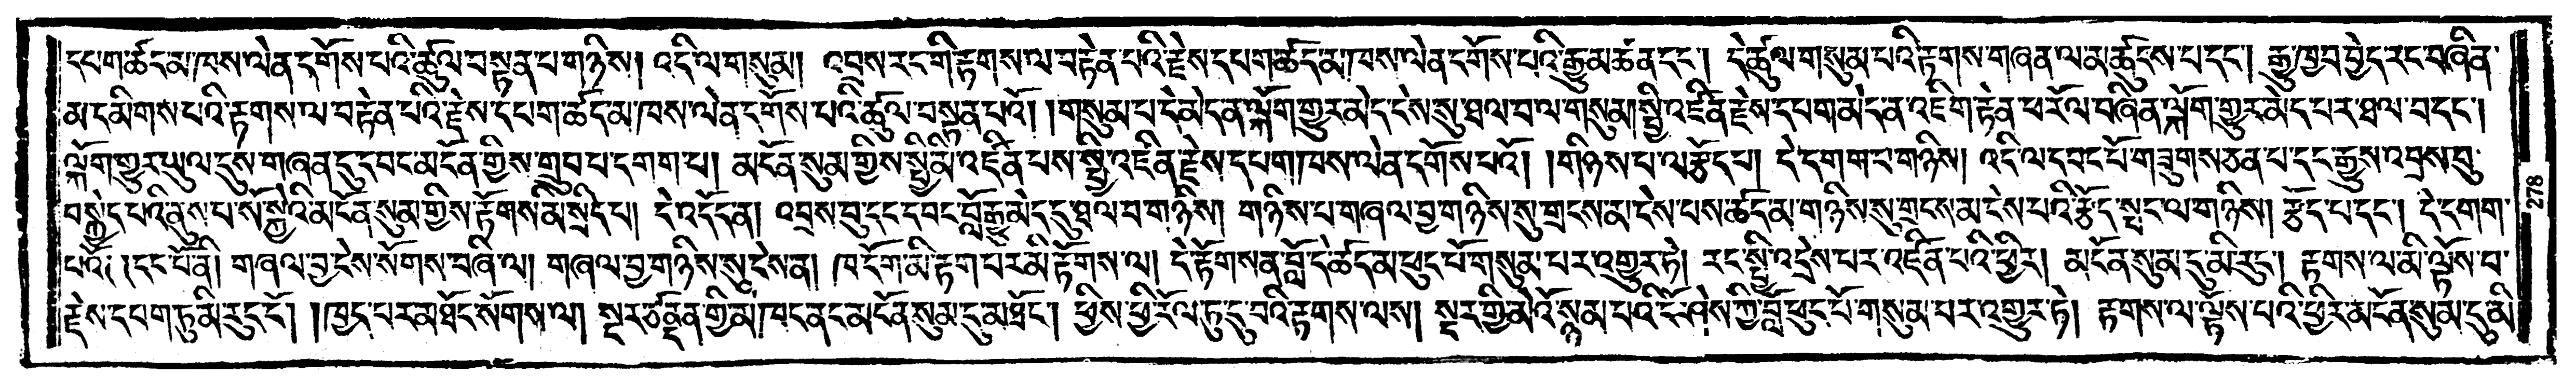དཔག་ཚད་མ་ཁས་ལེན་དགོས་པའི་ཚུལ་བསྟན་པ་གཉིས། འདི་ལ་གསུམ། འབྲས་རང་གི་རྟགས་ལ་བརྟེན་པའི་རྗེས་དཔག་ཚད་མ་ཁས་ལེན་དགོས་པའི་རྒྱུ་མཚན་དང་། དེ་ཚུལ་གསུམ་པའི་རྟགས་གཞན་ལ་མཚུངས་པ་དང་། རྒྱུ་ཁྱབ་བྱེད་རང་བཞིན་
མ་དམིགས་པའི་རྟགས་ལ་བརྟེན་པའི་རྗེས་དཔག་ཚད་མ་ཁས་ལེན་དགོས་པའི་ཚུལ་བསྟན་པའོ། །གསུམ་པ་དེ་མེད་ན་ལྐོག་གྱུར་མེད་ངེས་སུ་ཐལ་བ་ལ་གསུམ། སྤྱི་འཛིན་རྗེས་དཔག་མེད་ན་འཇིག་རྟེན་ཕ་རོལ་བཞིན་ལྐོག་གྱུར་མེད་པར་ཐལ་བ་དང་།
ལྐོག་གྱུར་ཡུལ་དུས་གཞན་དུ་དབང་མངོན་གྱིས་གྲུབ་པ་དགག་པ། མངོན་སུམ་གྱིས་སྤྱི་མི་འཛིན་པས་སྤྱི་འཛིན་རྗེས་དཔག་ཁས་ལེན་དགོས་པའོ། །གཉིས་པ་ལ་རྩོད་པ། དེ་དགག་པ་གཉིས། འདི་ལ་དབང་པོ་གཟུགས་ཅན་པ་དང་རྒྱུས་འབྲས་བུ་
བསྐྱེད་པའི་ནུས་པ་སོ་སྐྱེའི་མངོན་སུམ་གྱིས་རྟོགས་མི་སྲིད་པ། དེ་འདོད་ན། འབྲས་བུ་དང་དབང་བློ་རྒྱུ་མེད་དུ་ཐལ་བ་གཉིས། གཉིས་པ་གཞལ་བྱ་གཉིས་སུ་གྲངས་མ་ངེས་པས་ཚད་མ་གཉིས་སུ་གྲངས་མ་ངེས་པའི་རྩོད་སྤང་ལ་གཉིས། རྩོད་པ་དང་། དེ་དགག་
པའོ། །དང་པོ་ནི། གཞལ་བྱ་ངེས་སོགས་བཞི་ལ། གཞལ་བྱ་གཉིས་སུ་ངེས་ན། ཁ་དོག་མི་རྟག་པར་མི་རྟོགས་ལ། དེ་རྟོགས་ན་བློ་དེ་ཚད་མ་ཕུང་པོ་གསུམ་པར་འགྱུར་ཏེ། རང་སྤྱི་འདྲེས་པར་འཛིན་པའི་ཕྱིར། མངོན་སུམ་དུ་མི་རུང་། རྟགས་ལ་མི་ལྟོས་པ་
རྗེས་དཔག་ཏུ་མི་རུང་ངོ། །ཁྱད་པར་མཐོང་སོགས་ལ། སྔར་ཙནྡན་གྱི་མེ་?་ཁང་ནང་མངོན་སུམ་དུ་མཐོང་། ཕྱིས་ཕྱི་རོལ་ཏུ་དུ་བའི་རྟགས་ལས། སྔར་གྱི་མེའོ་སྙམ་པའི་ངོ་ཤེས་ཀྱི་བློ་ཕུང་པོ་གསུམ་པར་འགྱུར་ཏེ། རྟགས་ལ་ལྟོས་པའི་ཕྱིར་མངོན་སུམ་དུ་མི་